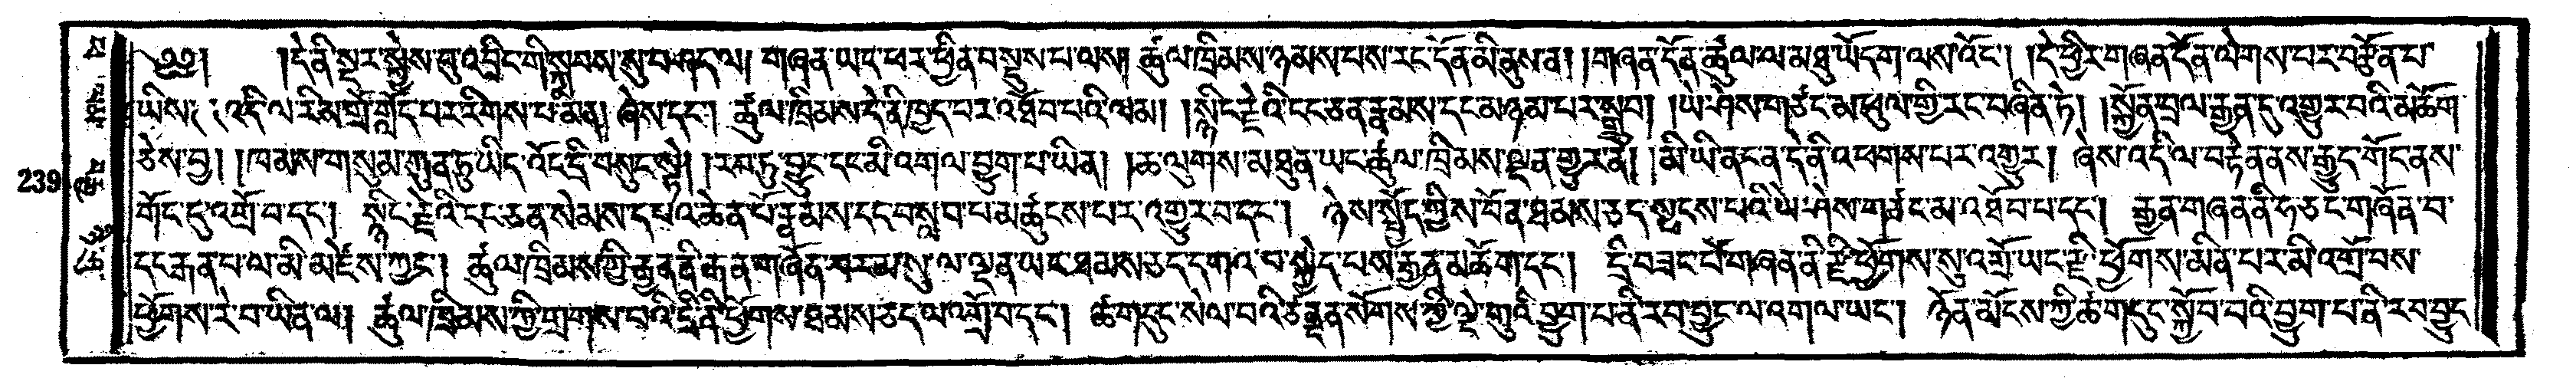༄༅། །དེ་ནི་སྔར་སྐྱེས་བུ་འབྲིང་གི་སྐབས་སུ་བཤད་ལ། གཞན་ཡང་ཕར་ཕྱིན་བསྡུས་པ་ལས། ཚུལ་ཁྲིམས་ཉམས་པས་རང་དོན་མི་ནུས་ན། །གཞན་དོན་ཚུལ་ལ་མཐུ་ཡོ་དག་ལས་འོང་། །དེ་ཕྱིར་གཞན་དོན་ལེགས་པར་བརྩོན་པ་
ཡིས༑ ༑འདི་ལ་རིམ་གྲོ་གློད་པར་རིགས་པ་མིན། ཞེས་དང་། ཚུལ་ཁྲིམས་དེ་ནི་ཁྱད་པར་འཐོབ་པའི་ལམ། །སྙིང་རྗེའི་ངང་ཅན་རྣམས་དང་མཉམ་པར་སྒྲུབ། །ཡེ་ཤེས་གཙང་མ་ཕུལ་གྱི་རང་བཞིན་ཏེ། །སྐྱོན་བྲལ་རྒྱན་དུ་འགྱུར་བའི་མཆོག་
ཅེས་བྱ། །ཁམས་གསུམ་ཀུན་ཏུ་ཡིད་འོང་དྲི་བསུང་སྟེ། །རབ་ཏུ་བྱུང་དང་མི་འགལ་བྱུག་པ་ཡིན། །ཆ་ལུགས་མཐུན་ཡང་ཚུལ་ཁྲིམས་ལྡན་གྱུར་ན། །མི་ཡི་ནང་ན་དེ་ནི་འཕགས་པར་འགྱུར། ཞེས་འདི་ལ་བརྟེན་ནས་རྒྱུད་གོང་ནས་
གོང་དུ་འགྲོ་བ་དང་། སྙིང་རྗེའི་དང་ཅན་སེམས་དཔའ་ཆེན་པོ་རྣམས་དང་བསླབ་པ་མཚུངས་པར་འགྱུར་བ་དང་། ཉེས་སྤྱོད་ཀྱི་ས་བོན་ཐམས་ཅད་སྤངས་པའི་ཡེ་ཤེས་གཙང་མ་འཐོབ་པ་དང་། རྒྱན་གཞན་ནི་ཧ་ཅང་གཞོན་བ་
དང་རྒན་པ་ལ་མི་མཛེས་ཀྱང་། ཚུལ་ཁྲིམས་ཀྱི་རྒྱན་ནི་རྒན་གཞོན་བར་མ་སུ་ལ་ལྡན་ཡང་ཐམས་ཅད་དགའ་བ་སྐྱེད་པས་རྒྱན་མཆོག་དང་། དྲི་བཟང་པོ་གཞན་ནི་རྫི་ཕྱོགས་སུ་འགྲོ་ཡང་རྫི་ཕྱོགས་མིན་པར་མི་འགྲོ་བས་
ཕྱོགས་རེ་བ་ཡིན་ལ། ཚུལ་ཁྲིམས་ཀྱི་གྲགས་བའི་དྲི་ནི་ཕྱོགས་ཐམས་ཅད་ལ་འགྲོ་བ་དང་། ཚ་གདུང་སེལ་བའི་ཙནྡན་སོགས་ཀྱི་ལྡེ་གུའི་བྱུག་པ་ནི་རབ་བྱུང་ལ་འགལ་ཡང་། ཉོན་མོངས་ཀྱི་ཚ་གདུང་སྐྱོབ་བའི་བྱུག་པ་ནི་རབ་བྱུང་